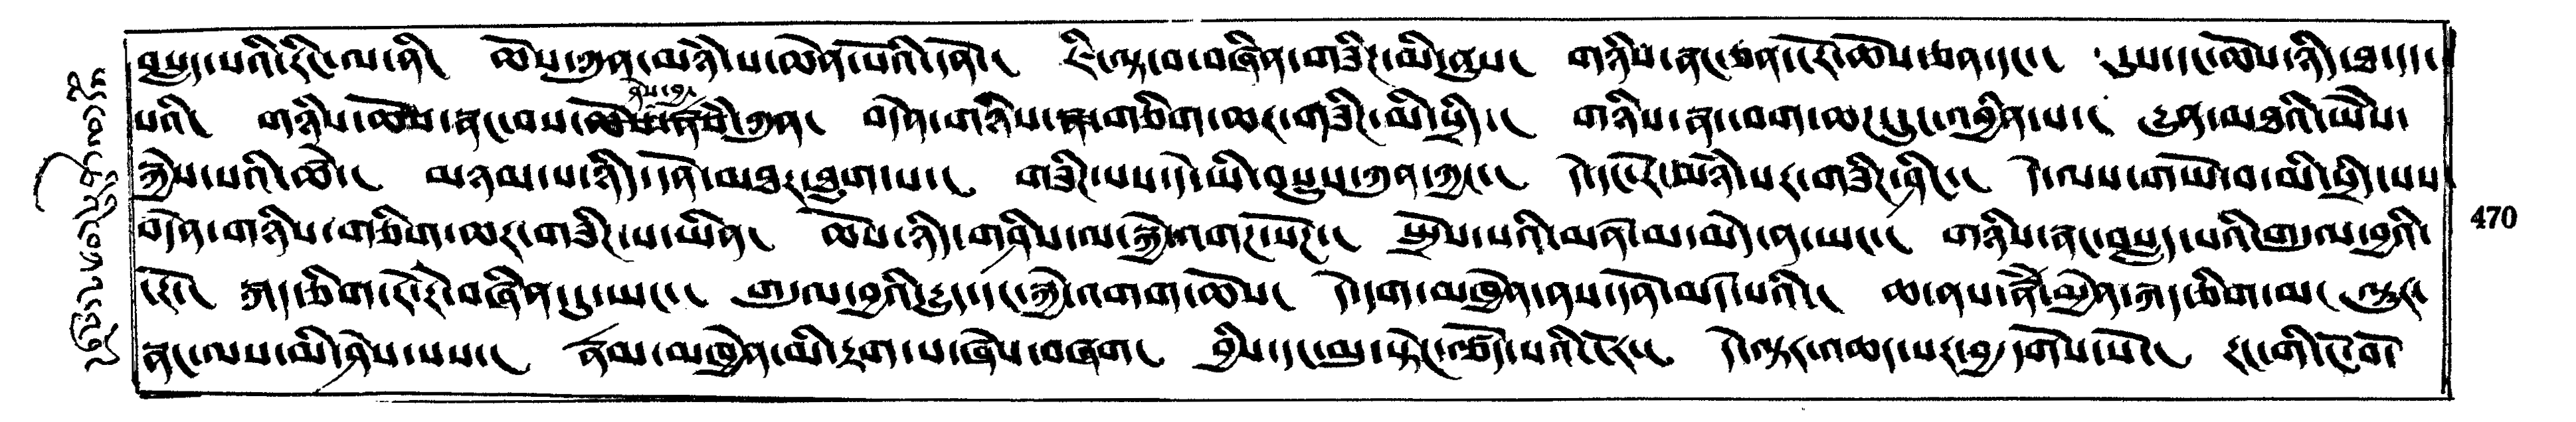བསླད་པའི་རིང་ལ་ནི། །ཆོས་ཀུན་མཉམ་པ་ཆེན་པོའི་དོན། །ཇི་ལྟ་བ་བཞིན་གཟིགས་མི་ནུས། །གཉིས་སྣང་ཅན་ངོར་ཆོས་ཅན་དང་། །དུས་དང་ཆོས་ཉིད་ཐ་དད་
པའི། །གཉིས་ཆོས་སྣང་བས་ཤེས་བྱ་ཀུན། །བདེན་གཉིས་གཅིག་ཆར་གཟིགས་མི་སྲིད། །གཉིས་སྣང་བག་ཆགས་དྲུང་འབྱིན་པ། །རྒྱུན་མཐའི་ཡེ་ཤེས་
སྐྱེས་པའི་ཚེ། །མཉམ་པ་ཉིད་དོན་མཐར་ཐུག་པ། །གཟིགས་པས་དེ་ཡི་བསྡུས་ཀུན་ཀྱང་། །དེ་དང་རོ་མཉམ་པར་གཟིགས་ཤིང་། །དེ་ལས་གཡོ་བ་མི་སྲིད་པས། །
བདེན་གཉིས་གཅིག་ཆར་གཟིགས་པ་ཡིན། །ཆོས་ཉིད་གཤིས་ལ་སྐྱེ་འགགས་སོགས། །སྤྲོས་པའི་མཚན་མ་མེད་ན་ཡང་། །གཉིས་སྣང་བསླད་པའི་གདུལ་བྱའི་
ངོར། །སྐད་ཅིག་རེ་རེ་བཞིན་དུ་ཡང་། །གདུལ་བྱའི་རྒྱུད་དང་སྐྱེ་འགག་ཆོས། །དེ་དག་མཁྱེན་ནས་དོན་མཛད་པའི། །ཆ་ནས་རྣམ་མཁྱེན་སྐད་ཅིག་མ། །ལྟ་བུར་
སྣང་ལས་མི་ཤེས་པས། །རྣམ་མཁྱེན་མི་རྟག་པ་ཞེས་གཞག །བྱིས་དང་མུ་སྟེགས་རྩོད་པའི་ངོར། །དེ་ལྟར་འཆད་པར་བྱ་དགོས་སོ། །རང་གི་ངོ་བོ་